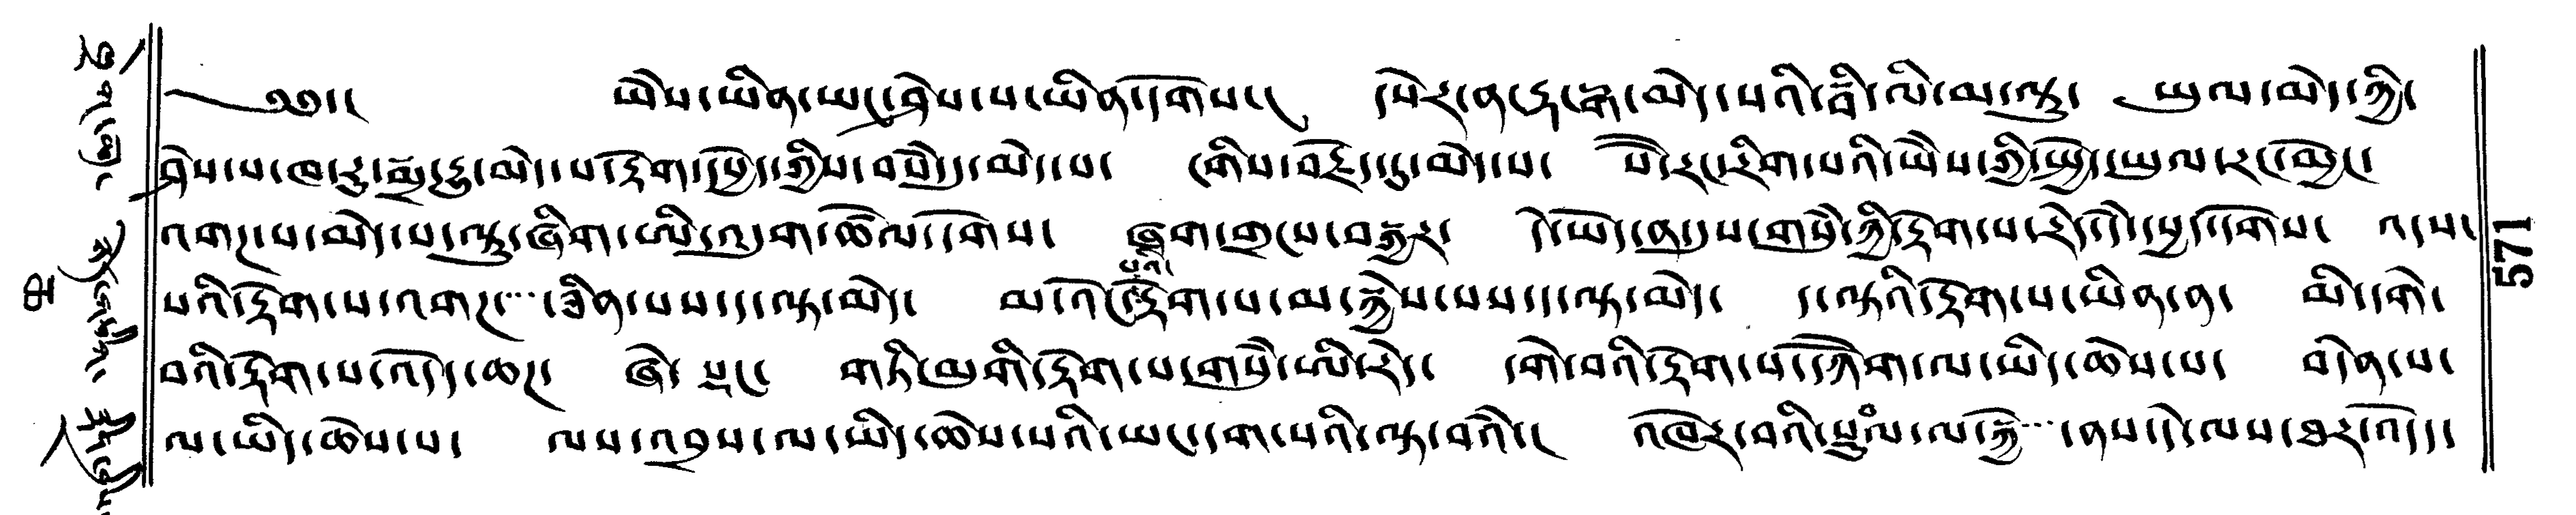ཡེ་ཤེས་ཡིན་ཡང་ཤེས་པ་ཡིན་དགོས། དཔེར་ན་རྟ་སྒ་མེད་པའི་སྦི་ལི་མ་ལྟ་བུ། ཡུལ་མེད་ཀྱི་
ཤེས་པ་ཁ་རུ་སྨྲ་རྒྱུ་མེད་པ། རྟོག་དཔྱོད་ཀྱིས་བསམ་དུ་མེད་པ། ངག་གིས་བརྗོད་དུ་མེད་པ། སོ་སོ་རང་རིག་པའི་ཡེ་ཤེས་ཀྱི་སྤྱོད་ཡུལ་རང་མྱོང་། 
འགགས་པ་མེད་པ་ལྟ་བུ་ཞིག་ཨི་འདུག་ཚོལ་དགོས། ཞག་གྲངས་བསྐྱར། དེ་ཡོད་ན་དུས་གསུམ་ཀྱི་རྟོག་པ་རེད་དམ་དཔྱད་དགོས། འདས་
པའི་རྟོག་པ་འགགས་ཟིན་པས་ད་ལྟ་མེད། མ་འོངས་པའི་རྟོག་པ་མ་སྐྱེས་པས་ད་ལྟ་མེད། ད་ལྟའི་རྟོག་པ་ཡིན་ན། མི་དགེ་
བའི་རྟོག་པ་འདོད་ཆགས། ཞེ་སྡང་། གཏི་མུག་གི་རྟོག་པ་གསུམ་ཨི་རེད། དགེ་བའི་རྟོག་པ་དཀོན་མཆོག་ལ་ཡིད་ཆེས་པ། བདེན་པ་
ལ་ཡིད་ཆེས་པ། ལས་འབྲས་ལ་ཡིད་ཆེས་པའི་ཡང་དག་པའི་ལྟ་བའམ། འཁོར་བའི་སྡུག་བསྔལ་ལ་སྐྱོ་ནས་དེ་ལས་ཐར་འདོད་